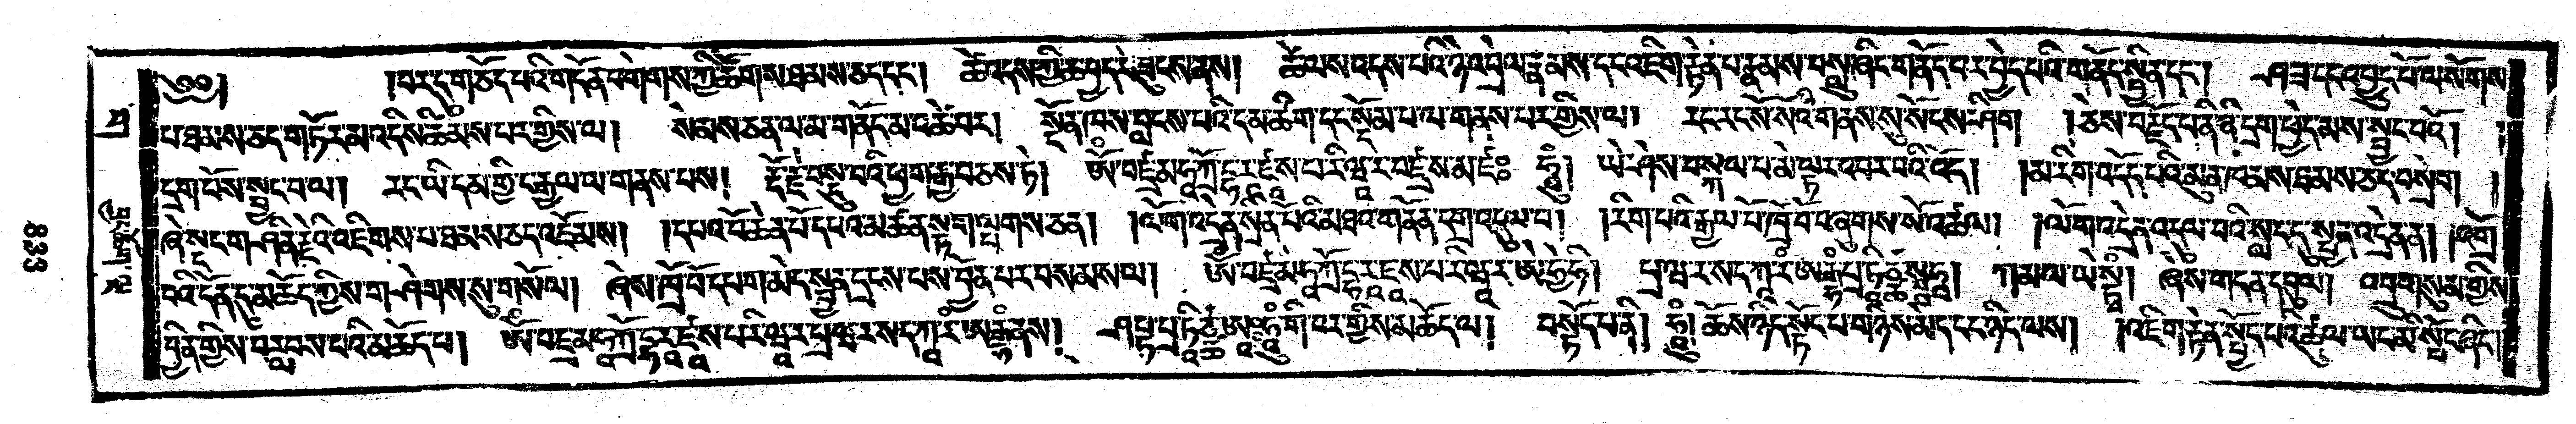༄༅། །བར་དུ་གཅོད་པའི་གདོན་བགེགས་ཀྱི་ཚོགས་ཐམས་ཅད་དང་། ཚེ་འདས་ཀྱི་ཆ་བྱད་རེ་ཟུངས་ནས། ཚེ་ལས་འདས་པའི་ཉེ་འབྲེལ་རྣམས་དང་འཇིག་རྟེན་པ་རྣམས་བསླུ་ཞིང་གནོད་པར་བྱེད་པའི་གནོད་སྦྱིན་དང་། ཤ་ཟ་དང་འབྱུང་པོ་ལ་སོགས་
པ་ཐམས་ཅད་གཏོར་མ་འདིས་ཚིམས་པར་གྱིས་ལ། སེམས་ཅན་ལ་མ་གནོད་མ་འཚེ་བར། སྔོན་ཁས་བླངས་པའི་དམ་ཚིག་དང་སྡོམ་པ་ལ་གནས་པར་གྱིས་ལ། རང་རང་སོ་སོའི་གནས་སུ་སོངས་ཤིག །ཅེས་བརྗོད་པ་ནི་ཞི་དྲག་ཕྱེད་མས་སྦྱང་བའོ། །
དྲག་པོས་སྦྱང་བ་ལ། རང་ཡི་དམ་གྱི་ང་རྒྱལ་ལ་གནས་པས། རྡོ་རྗེ་བསྡུ་བའི་ཕྱག་རྒྱ་བཅས་ཏེ། ཨོཾ་བཛྲ་མ་ཧཱ་ཀྲོ་དྷ་རཱ་ཛཱ་ས་བ་རི་ཝཱ་ར་བཛྲ་ས་མཛཿཧཱུཾ། ཡེ་ཤེས་བསྐལ་པ་མེ་ལྟར་འབར་བའི་འོད། །མ་རིག་འདོད་པའི་མུན་ཁམས་ཐམས་ཅད་བསྲེག།
ཞེ་སྡང་གཤིན་རྗེའི་འཇིགས་པ་ཐམས་ཅད་འཇོམས། །དཔའ་བོ་ཆེན་པོ་དཔའ་མཚན་སྟག་ལྤགས་ཅན། །ལོག་འདྲེན་སྲིན་པོའི་མཐའ་གནོན་དགྲ་འདུལ་བ། །རིག་པའི་རྒྱལ་པོ་ཁྲོ་བོ་བཞུགས་སོ་འཚལ། །ལོག་འདྲེན་འདུལ་བའི་སླད་དུ་སྤྱན་འདྲེན་ན། །འགྲོ་
བའི་དོན་དུ་མཆོད་ཀྱིས་གཤེགས་སུ་གསོལ། ཞེས་ཁྲོ་བོ་དཔག་མེད་སྤྱན་དྲངས་པས་བྱོན་པར་བསམས་ལ། ཨོཾ་བཛྲ་མ་ཏཱ་ཀྲོ་དྷ་རཱ་ཇཱ་ས་པ་རི་ཝཱ་ར་ཨེ་ཧྱེ་ཧི། པྲ་ཝ་ར་སད་ཀཱ་རཾ་ཨརྒྷཾ་པྲ་ཏཱི་ཙྪ་སྭཱ་ཧཱ། ཀ་མ་ལ་ཡེ་སྟྭཾ། ཞེས་གདན་དབུལ། འབྲུ་གསུམ་གྱིས་
བྱིན་གྱིས་བརླབས་པའི་མཆོད་པ། ཨོཾ་བཛྲ་མ་ཧཱ་ཀྲོ་དྷ་རཱ་ཛཱ་ས་པ་རི་ཝཱ་ར་ཕྲོ་ཝ་ར་སད་ཀཱ་རཾ་ཨརྒྷཾ་ནས། ཤ་པྟ་པྲ་ཏཱི་ཙྪ་ཨཱཿཧཱུཾ་གི་བར་གྱིས་མཆོད་ལ། བསྟོད་པ་ནི། ཧཱུཾ། ཆོས་ཉིད་སྟོང་པ་གཉིས་མེད་དང་ཉིད་ལས། །འཇིག་རྟེན་སྤྱོད་པའི་ཚུལ་ཡང་མི་སྤོང་ཞིང་།